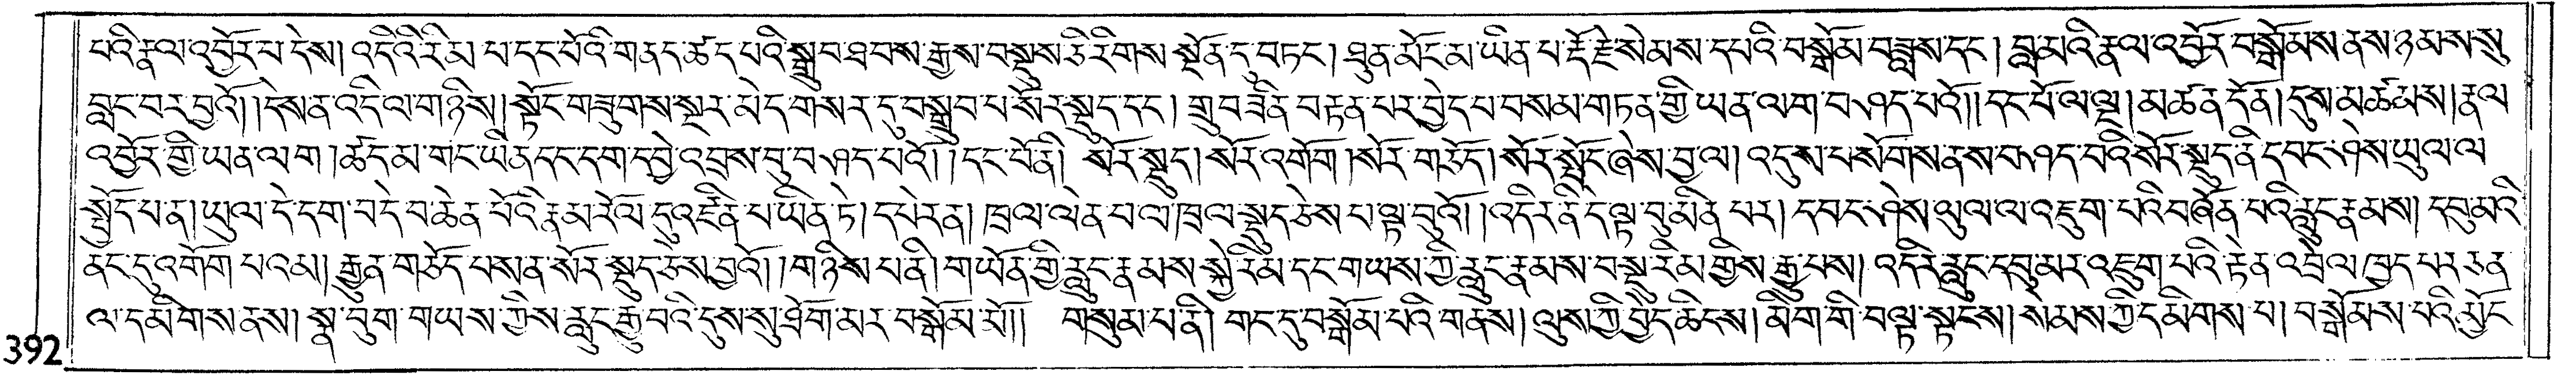པའི་རྣལ་འབྱོར་པ་དེས། འདིའི་རིམ་པ་དང་པོའི་གནད་ཚད་པའི་སྒྲུབ་ཐབས་རྒྱས་བསྡུས་ཅི་རིགས་སྔོན་དུ་བཏང་། ཐུན་མོང་མ་ཡིན་པ་རྡོ་རྗེ་སེམས་དཔའི་བསྒོམ་བཟླས་དང་། བླ་མའི་རྣལ་འབྱོར་བསྒོམས་ནས་ཉམས་སུ་
བླང་བར་བྱའོ། །དེས་ན་འདི་ལ་གཉིས། སྟོང་གཟུགས་སྔར་མེད་གསར་དུ་བསྒྲུབ་པ་སོར་སྡུད་དང་། གྲུབ་ཟིན་བརྟན་པར་བྱེད་པ་བསམ་གཏན་གྱི་ཡན་ལག་བཤད་པའོ། །དང་པོ་ལ་ལྔ། མཚན་དོན། དུས་མཚམས། རྣལ་
འབྱོར་གྱི་ཡན་ལག །ཚད་མ་གང་ཡིན་དང་དག་དབྱེ་འབྲས་བུ་བཤད་པའོ། །དང་པོ་ནི། སོར་སྡུད། སོར་འགོག །སོར་གཅོད། སོར་སྤོང་ཞེས་བྱ་ལ། འདུས་པ་སོགས་ནས་བཤད་པའི་སོར་སྡུད་ནི་དབང་ཤེས་ཡུལ་ལ་
སྤྱོད་པ་ན། ཡུལ་དེ་དག་བདེ་བ་ཆེན་པོའི་རྣམ་རོལ་དུ་འཛིན་པ་ཡིན་ཏེ། དཔེར་ན། ཁྲལ་ལེན་པ་ལ་ཁྲལ་སྡུད་ཅེས་པ་ལྟ་བུའོ། །འདིར་ནི་དེ་ལྟ་བུ་མིན་པར། དབང་ཤེས་ཡུལ་ལ་འཇུག་པའི་བཞོན་པའི་རླུང་རྣམས། དབུ་མའི་
ནང་དུ་འགོག་པའམ། རྒྱུན་གཅོད་པས་ན་སོར་སྡུད་ཅེས་བྱའོ། །གཉིས་པ་ནི། གཡོན་གྱི་རླུང་རྣམས་སྐྱེ་རིམ་དང་གཡས་ཀྱི་རླུང་རྣམས་བསྡུ་རིམ་གྱིས་རྒྱུ་པས། འདིར་རླུང་དབུ་མར་འཇུག་པའི་རྟེན་འབྲེལ་ཁྱད་པར་ཅན་
ལ་དམིགས་ནས། སྣ་བུག་གཡས་ཀྱིས་རླུང་རྒྱུ་བའི་དུས་སུ་ཐོག་མར་བསྒོམ་མོ། །གསུམ་པ་ནི། གང་དུ་བསྒོམ་པའི་གནས། ལུས་ཀྱི་བྱེད་ཆིངས། མིག་གི་བལྟ་སྟངས། སེམས་ཀྱི་དམིགས་པ། བསྒོམ་པའི་མྱོང་